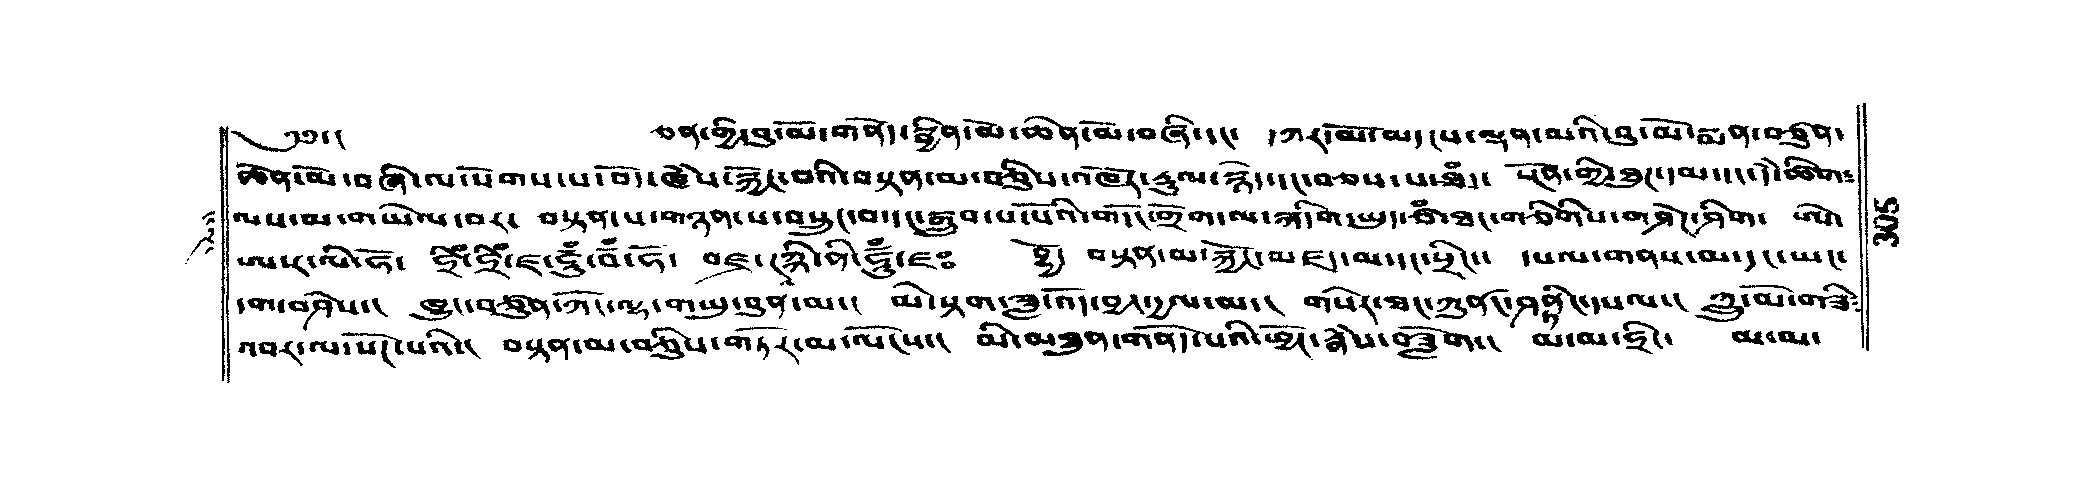ཅན་གྱི་བུ་མོ་གནོད་སྦྱིན་མོ་ཆེན་མོ་བཞི་དང་། དཀར་མོ་མདངས་ལྡན་མའི་བུ་མོ་སྨན་བཙུན་
ཆེན་མོ་བཞི་ལ་སོགས་པ་བོད་ཁམས་སྐྱོང་བའི་བརྟན་མ་བཅུ་གཉིས་འཁོར་རྡུལ་རྙེད་དང་བཅས་པ་ཐམས་ཅད་སྔོན་གྱི་ཐུགས་དམ་དང་དམ་ཚིག་
ལས་མ་གཡེལ་བར་བསྟན་པ་བསྲུང་བ་དང་སྒྲུབ་པ་པོའི་གདོང་གྲོག་ལ་སྐད་ཅིག་ཡུད་ཙམ་ཐང་ཅིག་གིས་གཤེགས་ཤིག་ཨེ་
ཨ་ར་ལི་ཧོ། ཧྲིཾ་ཧྲིཾ་ཛ་ཧཱུྃ་བྃ་ཧོ། བཛྲ་ཌཱཀྐི་ནི་ཧཱུྃ་ཛཿ བྷྱོ། བསྟན་མ་སྐྱོང་མཛད་མ་དང་སྲིང་། །དཔལ་གནས་མ་དང་ཡང་
དག་གཤེགས། །ཁྱུང་བཙུན་ཀོང་ལྷ་གཡུ་བུན་མ། །མེ་སྟག་ཟླ་འོད་བྱང་རྒྱལ་མ། །གསེར་ཐང་ཀུན་བཟང་ཤནྟིང་དཔལ། །ཀླུ་མོ་གཟི་
འབར་ལ་སོགས་པའི། ། བསྟན་མ་བཅུ་གཉིས་གཏོར་མ་ལོངས། །མི་མཐུན་གནོད་པའི་ཕྱོགས་རྣམས་བཟློག་མ་མ་ཧྲིང་། མ་མ་